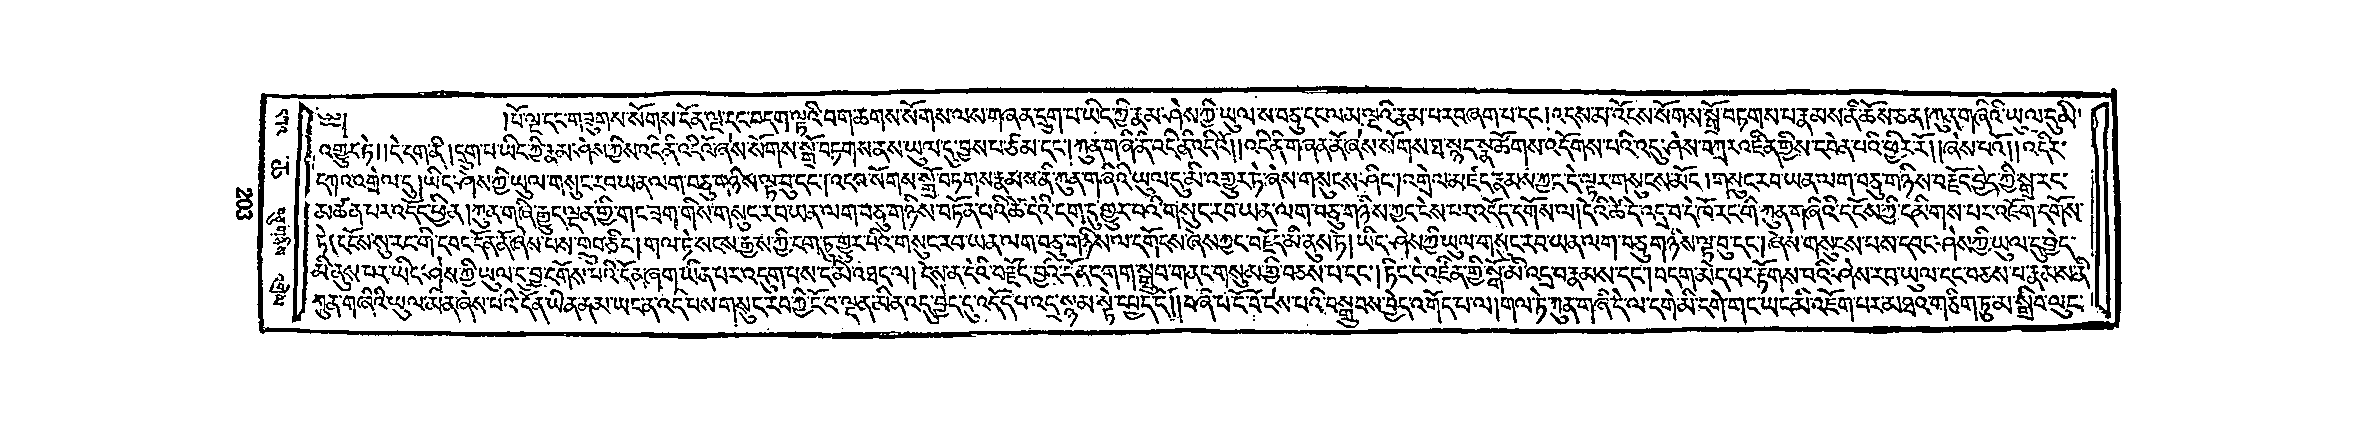༄༅། །པོ་ལྔ་དང་གཟུགས་སོགས་དོན་ལྔ་དང་བདག་ལྟའི་བག་ཆགས་སོགས་ལས་གཞན་དྲུག་པ་ཡིད་ཀྱི་རྣམ་ཤེས་ཀྱི་ཡུལ་ས་བཅུ་དང་ལམ་ལྔའི་རྣམ་པར་བཞག་པ་དང་། འདས་མ་འོངས་སོགས་སྒྲོ་བཏགས་པ་རྣམས་ནི་ཆོས་ཅན། ཀུན་གཞིའི་ཡུལ་དུ་མི་
འགྱུར་ཏེ། །དེ་དག་ནི། དྲུག་པ་ཡིད་ཀྱི་རྣམ་ཤེས་ཀྱིས་འདི་ནི་འདིའོ་ཞེས་སོགས་སྒྲོ་བཏགས་ནས་ཡུལ་དུ་བྱས་པ་ཙམ་དང་། ཀུན་གཞི་ནི་འདི་ནི་འདིའོ། །འདི་ནི་གཞན་ནོ་ཞེས་སོགས་ཐ་སྙད་སྣ་ཚོགས་འདོགས་པའི་འདུ་ཤེས་བཀྲར་འཛིན་གྱིས་དབེན་པའི་ཕྱིར་རོ། །ཞེས་པའོ། །འདིར་
དཀའ་འགྲེལ་དུ། ཡིད་ཤེས་ཀྱི་ཡུལ་གསུང་རབ་ཡན་ལག་བཅུ་གཉིས་ལྟ་བུ་དང་། འདས་སོགས་སྒྲོ་བཏགས་རྣམས་ནི་ཀུན་གཞིའི་ཡུལ་དུ་མི་འགྱུར་ཏེ་ཞེས་གསུངས་ཤིང་། འགྲེལ་མཛད་རྣམས་ཀྱང་དེ་ལྟར་གསུངས་མོད། གསུང་རབ་ཡན་ལག་བཅུ་གཉིས་བརྗོད་བྱེད་ཀྱི་སྒྲ་རང་
མཚན་པར་འདོད་ཕྱིན། ཀུན་གཞི་རྒྱུད་ལྡན་གྱི་གང་ཟག་གིས་གསུང་རབ་ཡན་ལག་བཅུ་གཉིས་བཏོན་པའི་ཚེ་དེའི་དག་ཏུ་གྱུར་བའི་གསུང་རབ་ཡན་ལག་བཅུ་གཉིས་ཀྱང་ངེས་པར་འདོད་དགོས་ལ། དེའི་ཚེ་དེ་འདྲ་བ་དེ་ཁོ་རང་གི་ཀུན་གཞིའི་དངོས་ཀྱི་དམིགས་པར་འཇོག་དགོས་
ཏེ། དངོས་སུ་རང་གི་དབང་དོན་ནོ་ཞེས་པས་གྲུབ་ཅིང་། གལ་ཏེ་སངས་རྒྱས་ཀྱི་ངག་ཏུ་གྱུར་པའི་གསུང་རབ་ཡན་ལག་བཅུ་གཉིས་ལ་དགོངས་ཞེས་ཀྱང་བརྗོད་མི་ནུས་ཏེ། ཡིད་ཤེས་ཀྱི་ཡུལ་གསུང་རབ་ཡན་ལག་བཅུ་གཉིས་ལྟ་བུ་དང་། ཞེས་གསུངས་པས་དབང་ཤེས་ཀྱི་ཡུལ་དུ་བྱེད་
མི་ནུས་པར་ཡིད་ཤེས་ཀྱི་ཡུལ་དུ་བྱ་དགོས་པའི་དོན་ཞག་ཡིན་པར་འདུག་པས་ད་མི་འཐད་ལ། དེས་ན་དེའི་བརྗོད་བྱའི་དོན་དགག་སྒྲུབ་གནང་གསུམ་གྱི་བཅས་པ་དང་། ཏིང་ངེ་འཛིན་གྱི་སྒོ་མི་འདྲ་བ་རྣམས་དང་། བདག་མེད་པར་རྟོགས་པའི་ཤེས་རབ་ཡུལ་དང་བཅས་པ་རྣམས་ནི་
ཀུན་གཞིའི་ཡུལ་མིན་ཞེས་པའི་དོན་ཡིན་ནམ་ཡང་ན་འདི་པས་གསུང་རབ་གྱི་ངོ་བ་ལྡན་མིན་འདུ་བྱེད་དུ་འདོད་པ་འདྲ་སྙམ་སྟེ་དཔྱད་དོ། །བཞི་པ་ངོ་བོ་ངེས་པའི་བསྒྲུབས་བྱེད་འགོད་པ་ལ། གལ་ཏེ་ཀུན་གཞི་དེ་ལ་དགེ་མི་དགེ་གང་ཡང་མི་འཇོག་པར་མཐའ་གཅིག་ཏུ་མ་སྒྲིབ་ལུང་